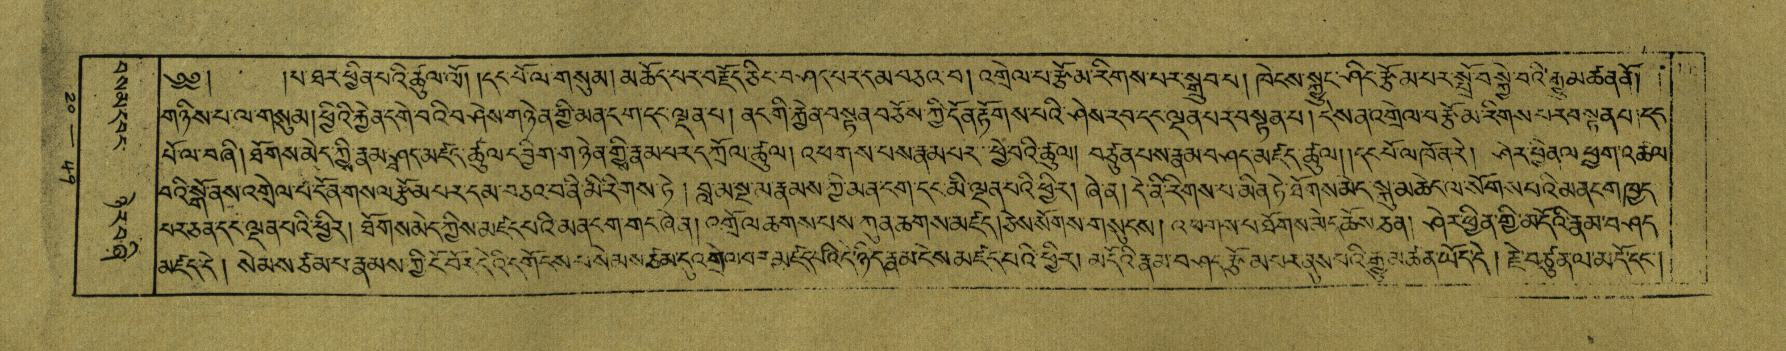༄༅། །པ་ཐར་ཕྱིན་པའི་ཚུལ་ལོ། །དང་པོ་ལ་གསུམ། མཆོད་པར་བརྗོད་ཅིང་བཤད་པར་དམ་བཅའ་བ། འགྲེལ་པ་རྩོམ་རིགས་པར་སྒྲུབ་པ། ཁེངས་སྐྱུང་ཤིང་རྩོམ་པར་སྤྲོ་བ་སྐྱེ་བའི་རྒྱུ་མཚན་ནོ། །
གཉིས་པ་ལ་གསུམ། ཕྱིའི་རྐྱེན་དགེ་བའི་བཤེས་གཉེན་གྱི་མན་ངག་དང་ལྡན་པ། ནང་གི་རྐྱེན་བསྟན་བཅོས་ཀྱི་དོན་རྟོགས་པའི་ཤེས་རབ་དང་ལྡན་པར་བསྟན་པ། དེས་ན་འགྲེལ་བ་རྩོམ་རིགས་པར་བསྟན་པ། དང་
པོ་ལ་བཞི། ཐོགས་མེད་ཀྱིས་རྣམ་བཤད་མཛད་ཚུལ་དབྱིག་གཉེན་གྱིས་རྣམ་པར་དཀྲོལ་ཚུལ། འཕགས་པས་རྣམ་པར་ཕྱེ་བའི་ཚུལ། བཙུན་པས་རྣམ་བཤད་མཛད་ཚུལ། །དང་པོ་ལ་ཁོ་ན་རེ། ཤེར་ཕྱིན་ལ་ཕྱག་འཚལ་
བའི་སྒོ་ནས་འགྲེལ་པ་དོན་གསལ་རྩོམ་པར་དམ་བཅའ་བ་ནི་མི་རིགས་ཏེ། བླ་མ་སྔ་མ་རྣམས་ཀྱི་མན་ངག་དང་མི་ལྡན་པའི་ཕྱིར། ཞེ་ན། དེ་ནི་རིགས་པ་མིན་ཏེ་ཐོགས་མེད་སྐུ་མཆེད་ལ་སོགས་པའི་མན་ངག་ཁྱད་
པར་ཅན་དང་ལྡན་པའི་ཕྱིར། ཐོགས་མེད་ཀྱིས་མཛད་པའི་མན་ངག་གང་ཞེ་ན། འགྲོ་ལ་ཆགས་པས་ཀུན་ཆགས་མཛད། ཅེས་སོགས་གསུངས། འཕགས་པ་ཐོགས་མེད་ཆོས་ཅན། ཤེར་ཕྱིན་གྱི་མདོའི་རྣམ་བཤད་
མཛད་དེ། སེམས་ཙམ་པ་རྣམས་ཀྱི་ངོ་བོར་དེའི་དགོངས་པ་སེམས་ཙམ་དུ་འགྲེལ་བར་མཛད་པའི་དེ་ཉིད་རྣམ་ངེས་མཛད་པའི་ཕྱིར། མདོའི་རྣམ་བཤད་རྩོམ་པར་ནུས་པའི་རྒྱུ་མཚན་ཡོད་དེ། རྗེ་བཙུན་ལ་མདོ་དང་།